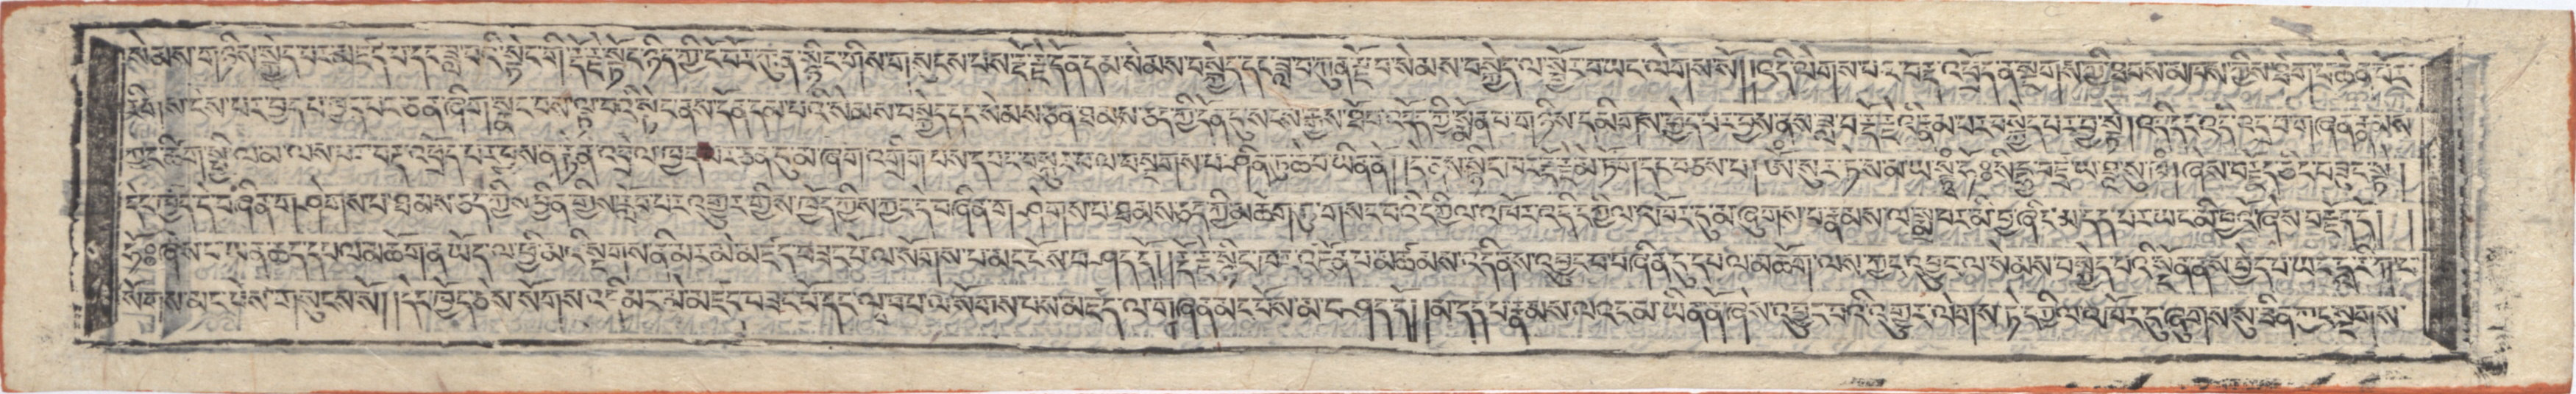སེམས་གཉིས་སྐྱེད་པར་མཛད་པ་དང་ཟླ་བའི་སྟེང་གི་རྡོ་རྗེ་སྟོང་ཉིད་ཀྱི་ངོ་བོར་ཀུན་སྙིང་གིས་གསུངས་པས་རྡོ་རྗེ་དོན་དམ་སེམས་བསྐྱེད་དང་ཟླ་བ་ཀུན་རྫོབ་སེམས་བསྐྱེད་ལ་སྦྱོར་བ་ཡང་ལེགས་སོ། །འདི་ལེགས་པར་བརྡ་འཕྲོད་ན་སྔགས་ཀྱི་ཐབས་མཁས་ཀྱིས་ཐེག་པ་ཆེན་པོར་
རིགས་ངེས་པར་བྱེད་པ་ཁྱད་པར་ཅན་ཞིག་སྣང་བས་ལྟ་བའི་སྟེང་ནས་དོན་དམ་པའི་སེམས་བསྐྱེད་དང་སེམས་ཅན་ཐམས་ཅད་ཀྱི་དོན་དུ་སངས་རྒྱས་ཐོབ་འདོད་ཀྱི་སྨོན་པ་གཉིས་དམིགས་ཕྱེད་པར་བྱས་ནས་ཟླ་བ་རྡོ་རྗེའི་རྣམ་པར་བསྐྱེད་པར་བྱ་སྟེ། འདི་དང་འདི་འདྲ་བ་གཞན་རྣམས་
ཀྱང་ཚིག་སྤྱི་ལ་མ་ལས་པར་བརྡ་འཕྲོད་པར་བྱས་ན་རྟེན་འབྲེལ་ཁྱད་པར་ཅན་དུ་མ་ཞིག་འགྲིག་པས་དབང་བསྐུར་བ་ལ་བསྔགས་པ་ཤིན་ཏུ་ཆེ་བ་ཡིན་ནོ། །དེ་ནས་སྙིང་ཁར་རྡོ་རྗེ་མེ་ཏོག་དང་བཅས་པ། ཨོཾ་སུ་ར་ཏེ་ས་མ་ཡ་སཏཝཾ་ཧོཿ སིདྷྱ་བཛྲ་ཡ་ཐཱ་སུ་ཁཾ། ཞེས་བརྗོད་ཅིང་བཟུང་སྟེ།
དེང་ཁྱོད་དེ་བཞིན་གཤེགས་པ་ཐམས་ཅད་ཀྱིས་བྱིན་གྱིས་རློབ་པར་འགྱུར་གྱིས་ཁྱོད་ཀྱིས་ཀྱང་དེ་བཞིན་གཤེགས་པ་ཐམས་ཅད་ཀྱི་མཆོག་ཏུ་གསང་བའི་དཀྱིལ་འཁོར་འདི་དཀྱིལ་འཁོར་དུ་མ་ཞུགས་པ་རྣམས་ལ་སྨྲ་བར་མི་བྱ་ཞིང་མ་དད་པར་ཡང་མི་བྱའོ་ཞེས་བརྗོད་དོ། །
ཧོཿ ཞེས་པ་ཡན་ཆད་དཔལ་མཆོག་ན་ཡོད་ལ་ཕྱི་མའི་སྔགས་ནི་མར་མེ་མཛད་བཟང་པོ་ལ་སོགས་པ་མང་པོས་བཤད་དོ། །རྡོ་རྗེ་སྙིང་ཁར་འཛིན་པ་མཚམས་འདི་ནས་འབྱུང་བ་བཞིན་དུ་དཔལ་མཆོག་ལས་ཀྱང་འབྱུང་ལ་སེམས་བསྐྱེད་པའི་སྔོན་ནས་བྱེད་པ་ཡང་དཱ་རི་ཀ་པ་
སོགས་མང་པོས་གསུངས་སོ། །དེང་ཁྱོད་ཅེས་སོགས་འདི་མར་མེ་མཛད་བཟང་པོ་དང་ལྭ་བ་པ་ལ་སོགས་པས་མཛད་ལ་གཞན་མང་པོས་མ་བཤད་དོ། །མ་དད་པ་རྣམས་ལའང་མ་ཡིན་ནོ་ཞེས་འབྱུང་བའི་འགྱུར་ལེགས་ཏེ་དཀྱིལ་འཁོར་དུ་ཞུགས་སུ་ཟིན་ཀྱང་སྔགས་